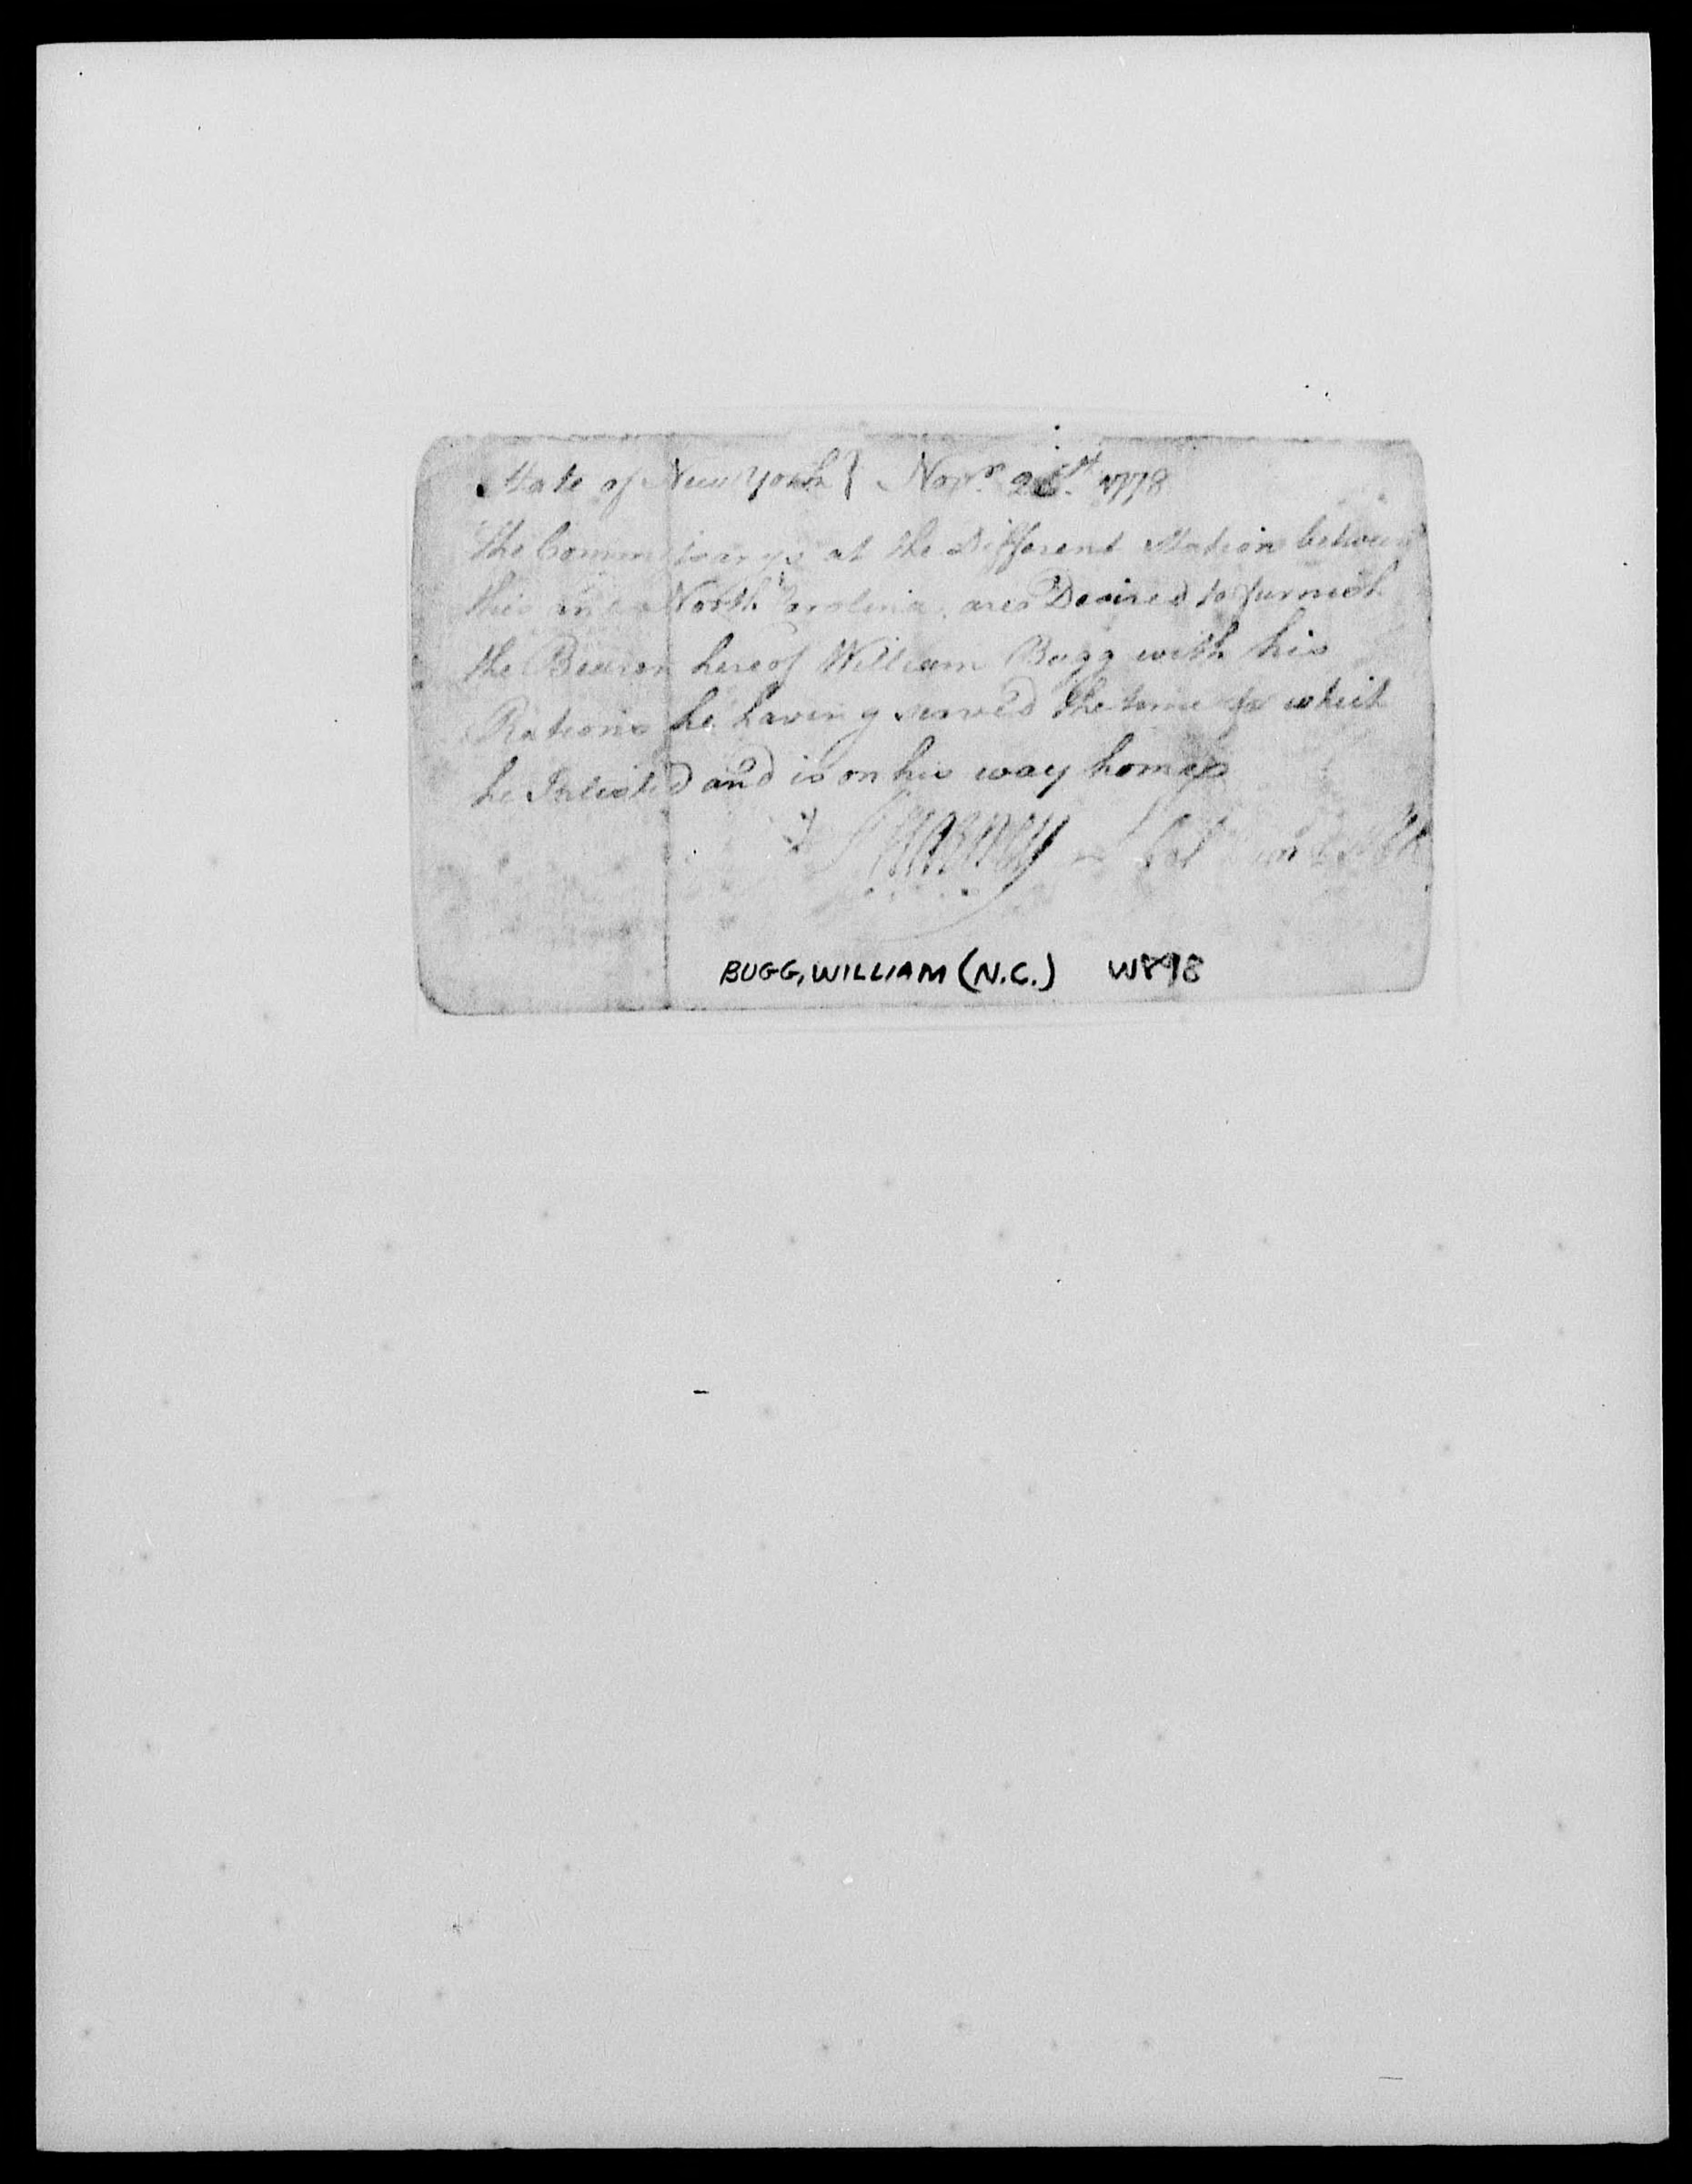State of New York} Novr. 26. 1778
The Commissarys at the Different [the following word is hard to read, but could be either "States in" or "Station"] between this and North Carolina, ares Desired to furnish the Bearer hereof William Bugg with his Rations he having served the Servce [or Same]  for which he Inlisted and is on his way home

[Below is a signature in a flowing script, which is hard to read, but ? perhaps appears to read} "T" or "To"  then " F Harney L Col" with the next few words exceptionally worn and hard to read, perhaps ? "in N York" ]

[At the bottom, in much darker ink, in a different handwriting, is this:]  Bugg, William (N.C.) W898]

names: F Harney, William Bugg, William Bugg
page: 17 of 50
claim: widow's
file: W. 898, William Bugg, N.C.